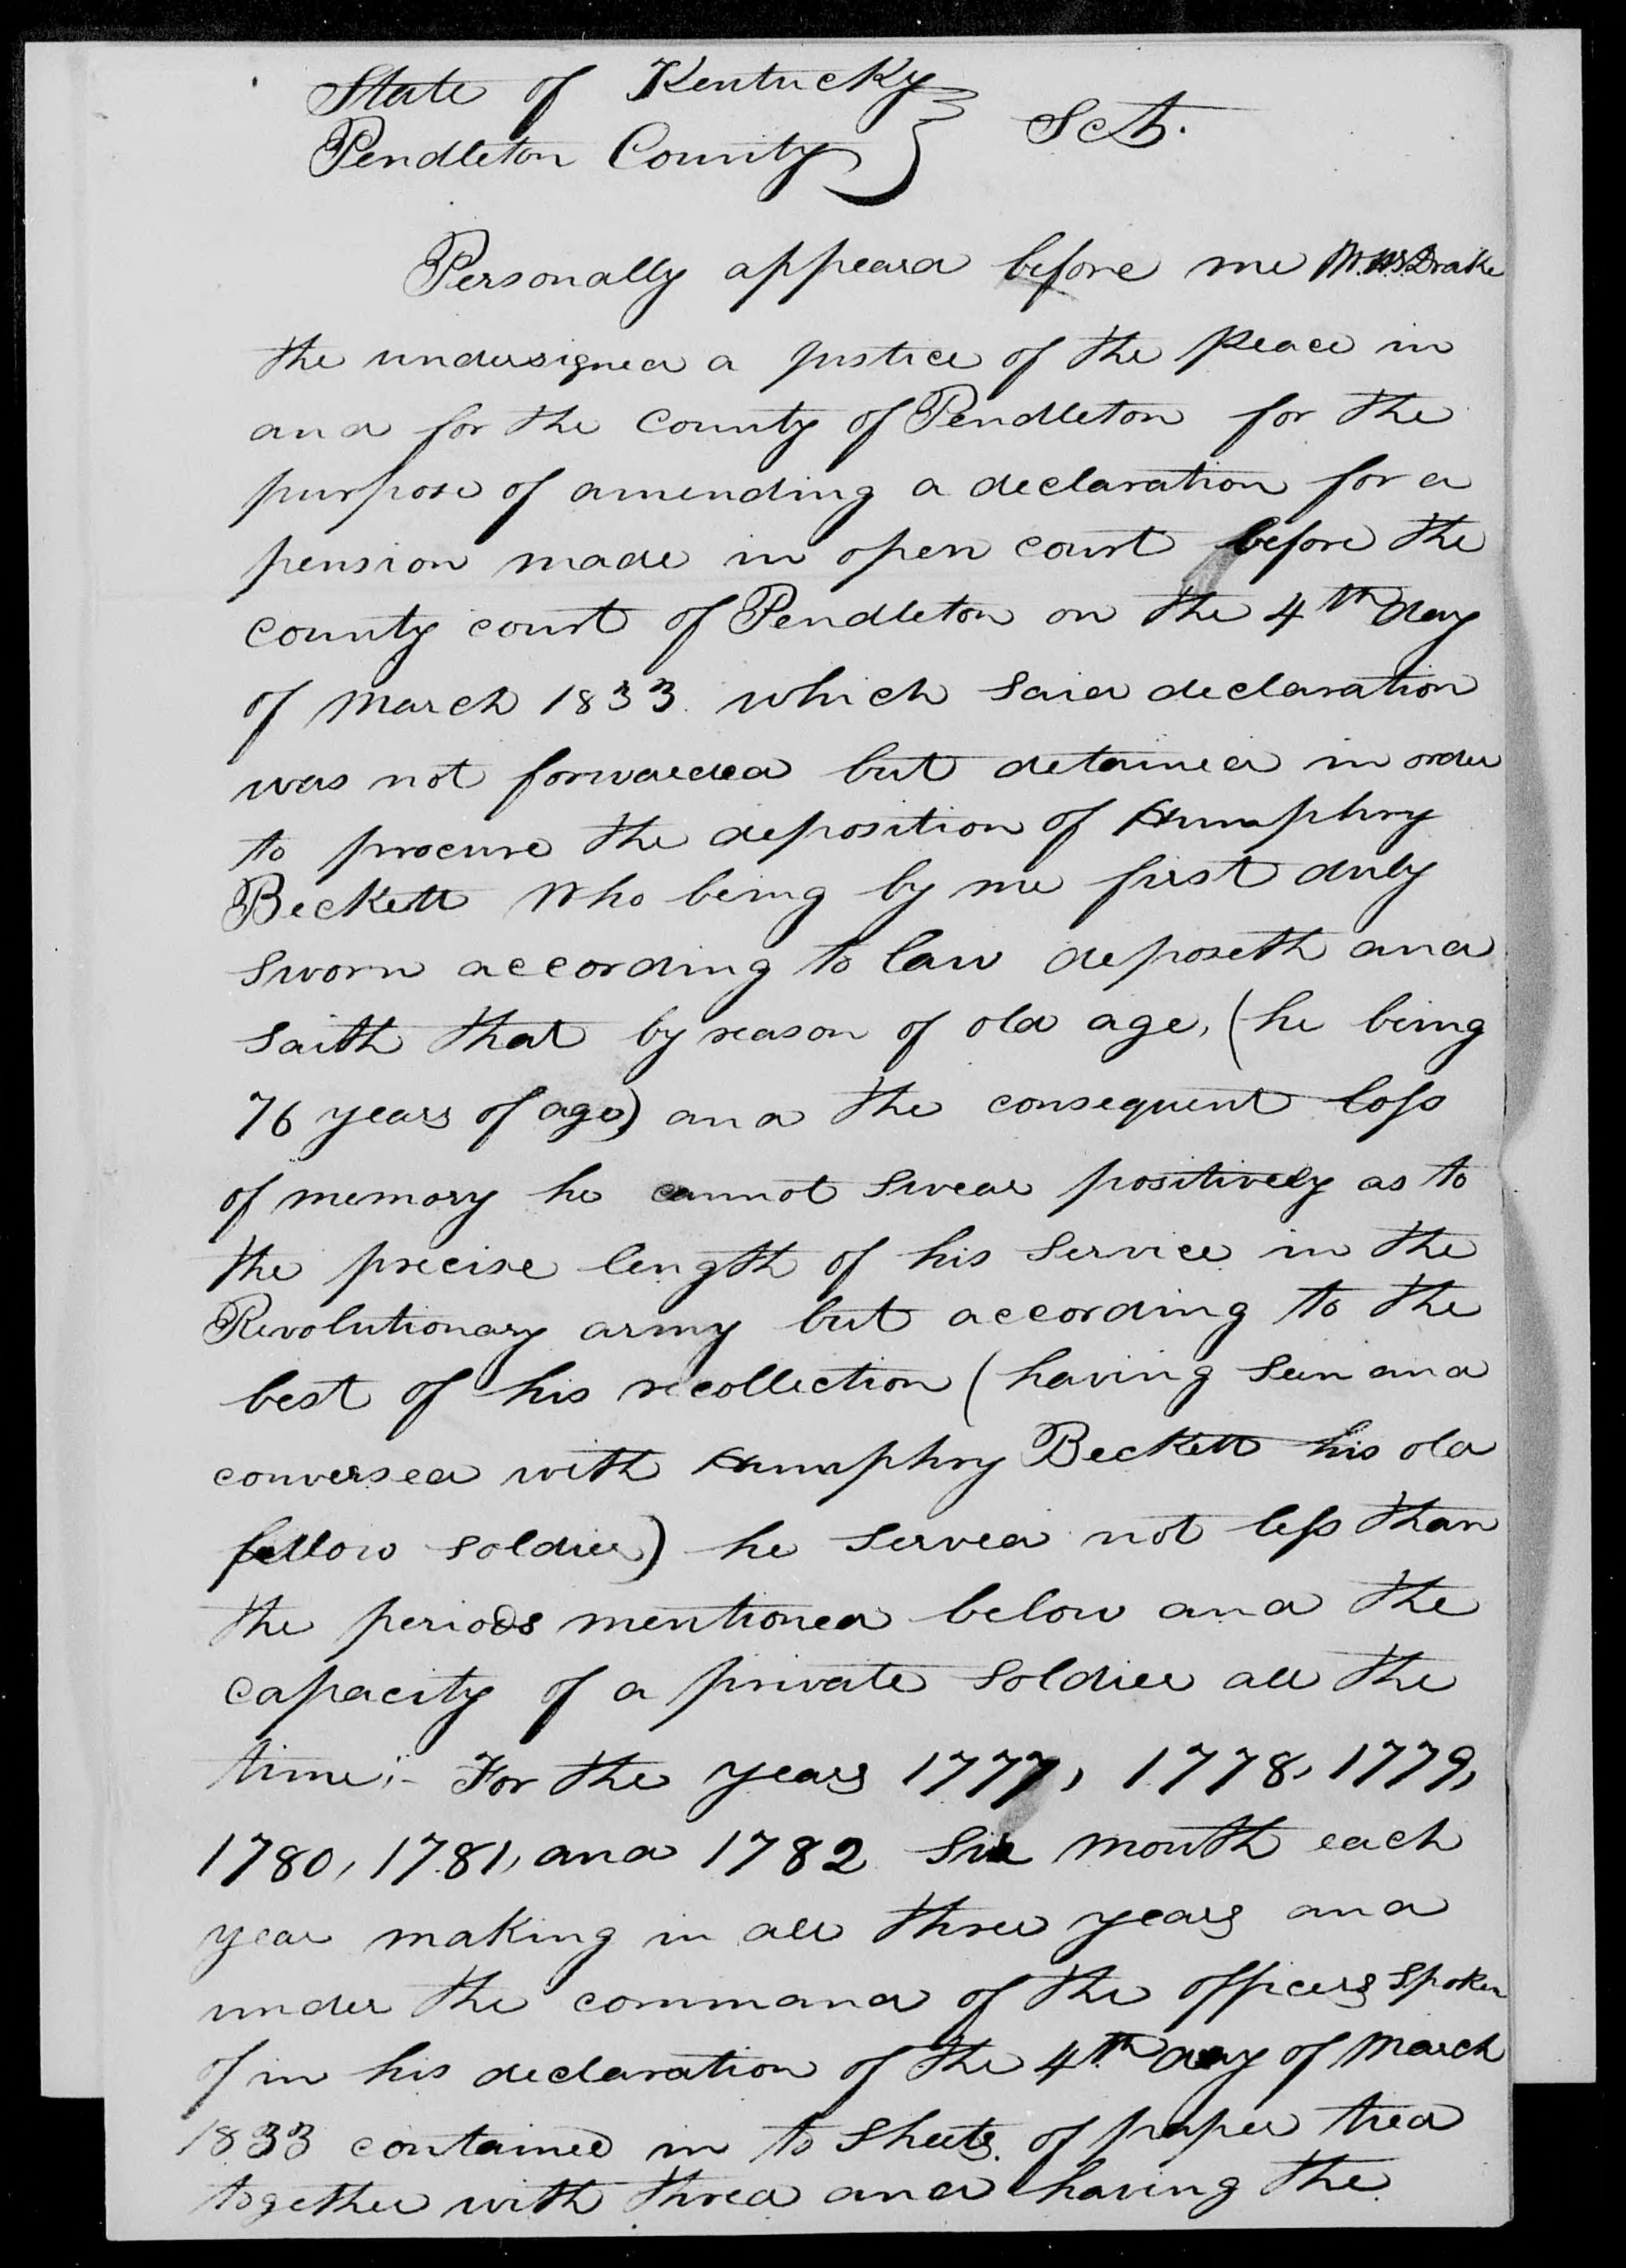State of Kentucky  }
Pendleton County } Set
   Personally appeared before me W. H. N. Drake
the undersigned a Justice of the peace in
and for the County of Pendleton for the
purpose of amending a declaration for a
pension made in open court before the
County Court of Pendleton on the 4th day
of March 1833 which said declaration
was not forwarded but detained in order
to procure the deposition of Humphry
Beckett who being by me first duly
Sworn according to law deposeth and
saith that by reason of old age, (he being
76 years of age) and the consequent loss
of memory he cannot swear positively as to
the precise length of his service in the
Revolutionary army but according to the
best of his recollection (having seen and
conversed with Humphry Beckett his old
fellow soldier) he served not less than
the periods mentioned below and the
capacity of a private Soldier all the
time; for the year 1777, 1778, 1779,
1780, 1781, and 1782 six month each
year making in all three years and
under the command of the officers spoken
of in his declaration of the 4th day of March
1833 contained in 10 Sheets of paper tied
together with thred and having the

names: W H N Drake; Humphry Beckett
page: 19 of 34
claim: survivor's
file: S. 30608, for Gabrel Mullins, Virginia